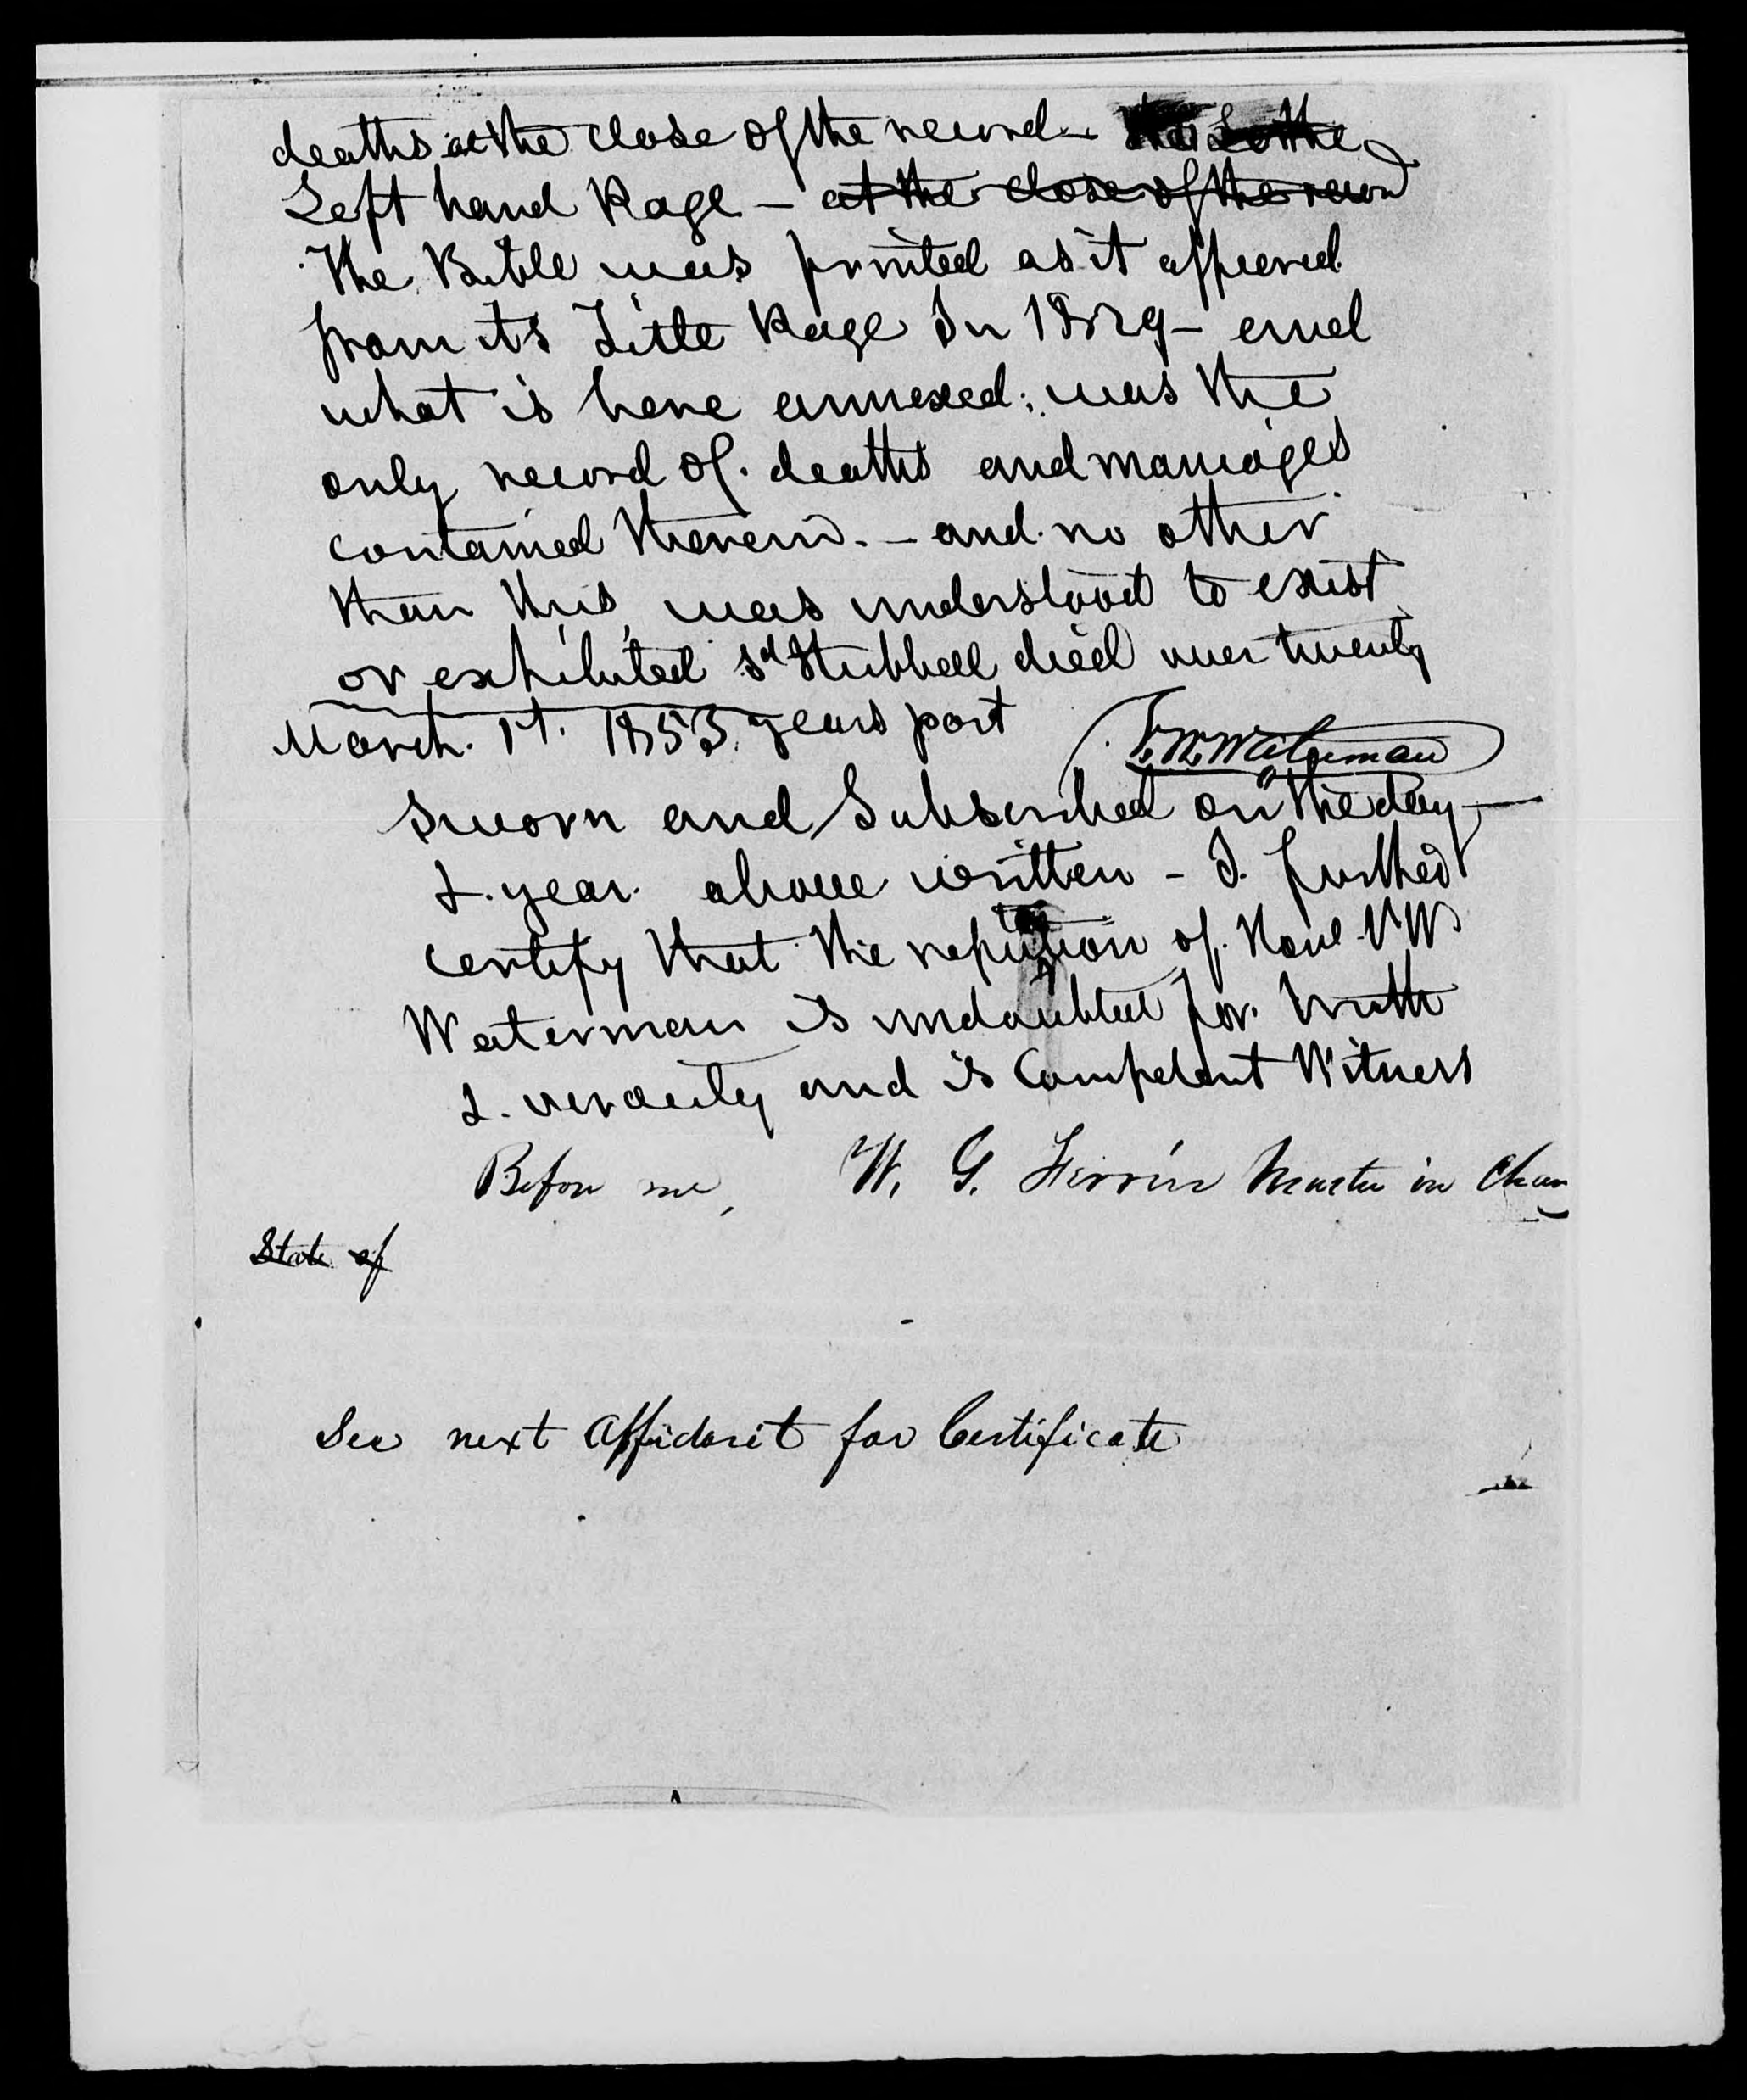deaths at the close of the record - [two words smudged and crossed out]
Left hand page - *at the close of the record* [*crossed out*] The Bible was printed as it appeared from its Title page in 1829 - and what is here annexed was the only record of deaths and marriages contained therein. _ and no other than this was understood to exist or exhibited sd Hubbell died over twenty *March. 17. 1853* [*crossed out*] years past
Sworn and Subscribed  ^ signature of V.M. Waterman^ on the day & year above written - I further certify that the reputation of Honl V W Waterman is undoubted for [illegible] & veracity and is competent Witness
Before me W. G. Ferrin [illegible] in Char
State of [crossed out]
See next affidavit for Certificate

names: V W Waterman, W G Ferrin, Hubbell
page: 21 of 114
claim: widow's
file: W. 2115, Seth Hubbell, Conn.